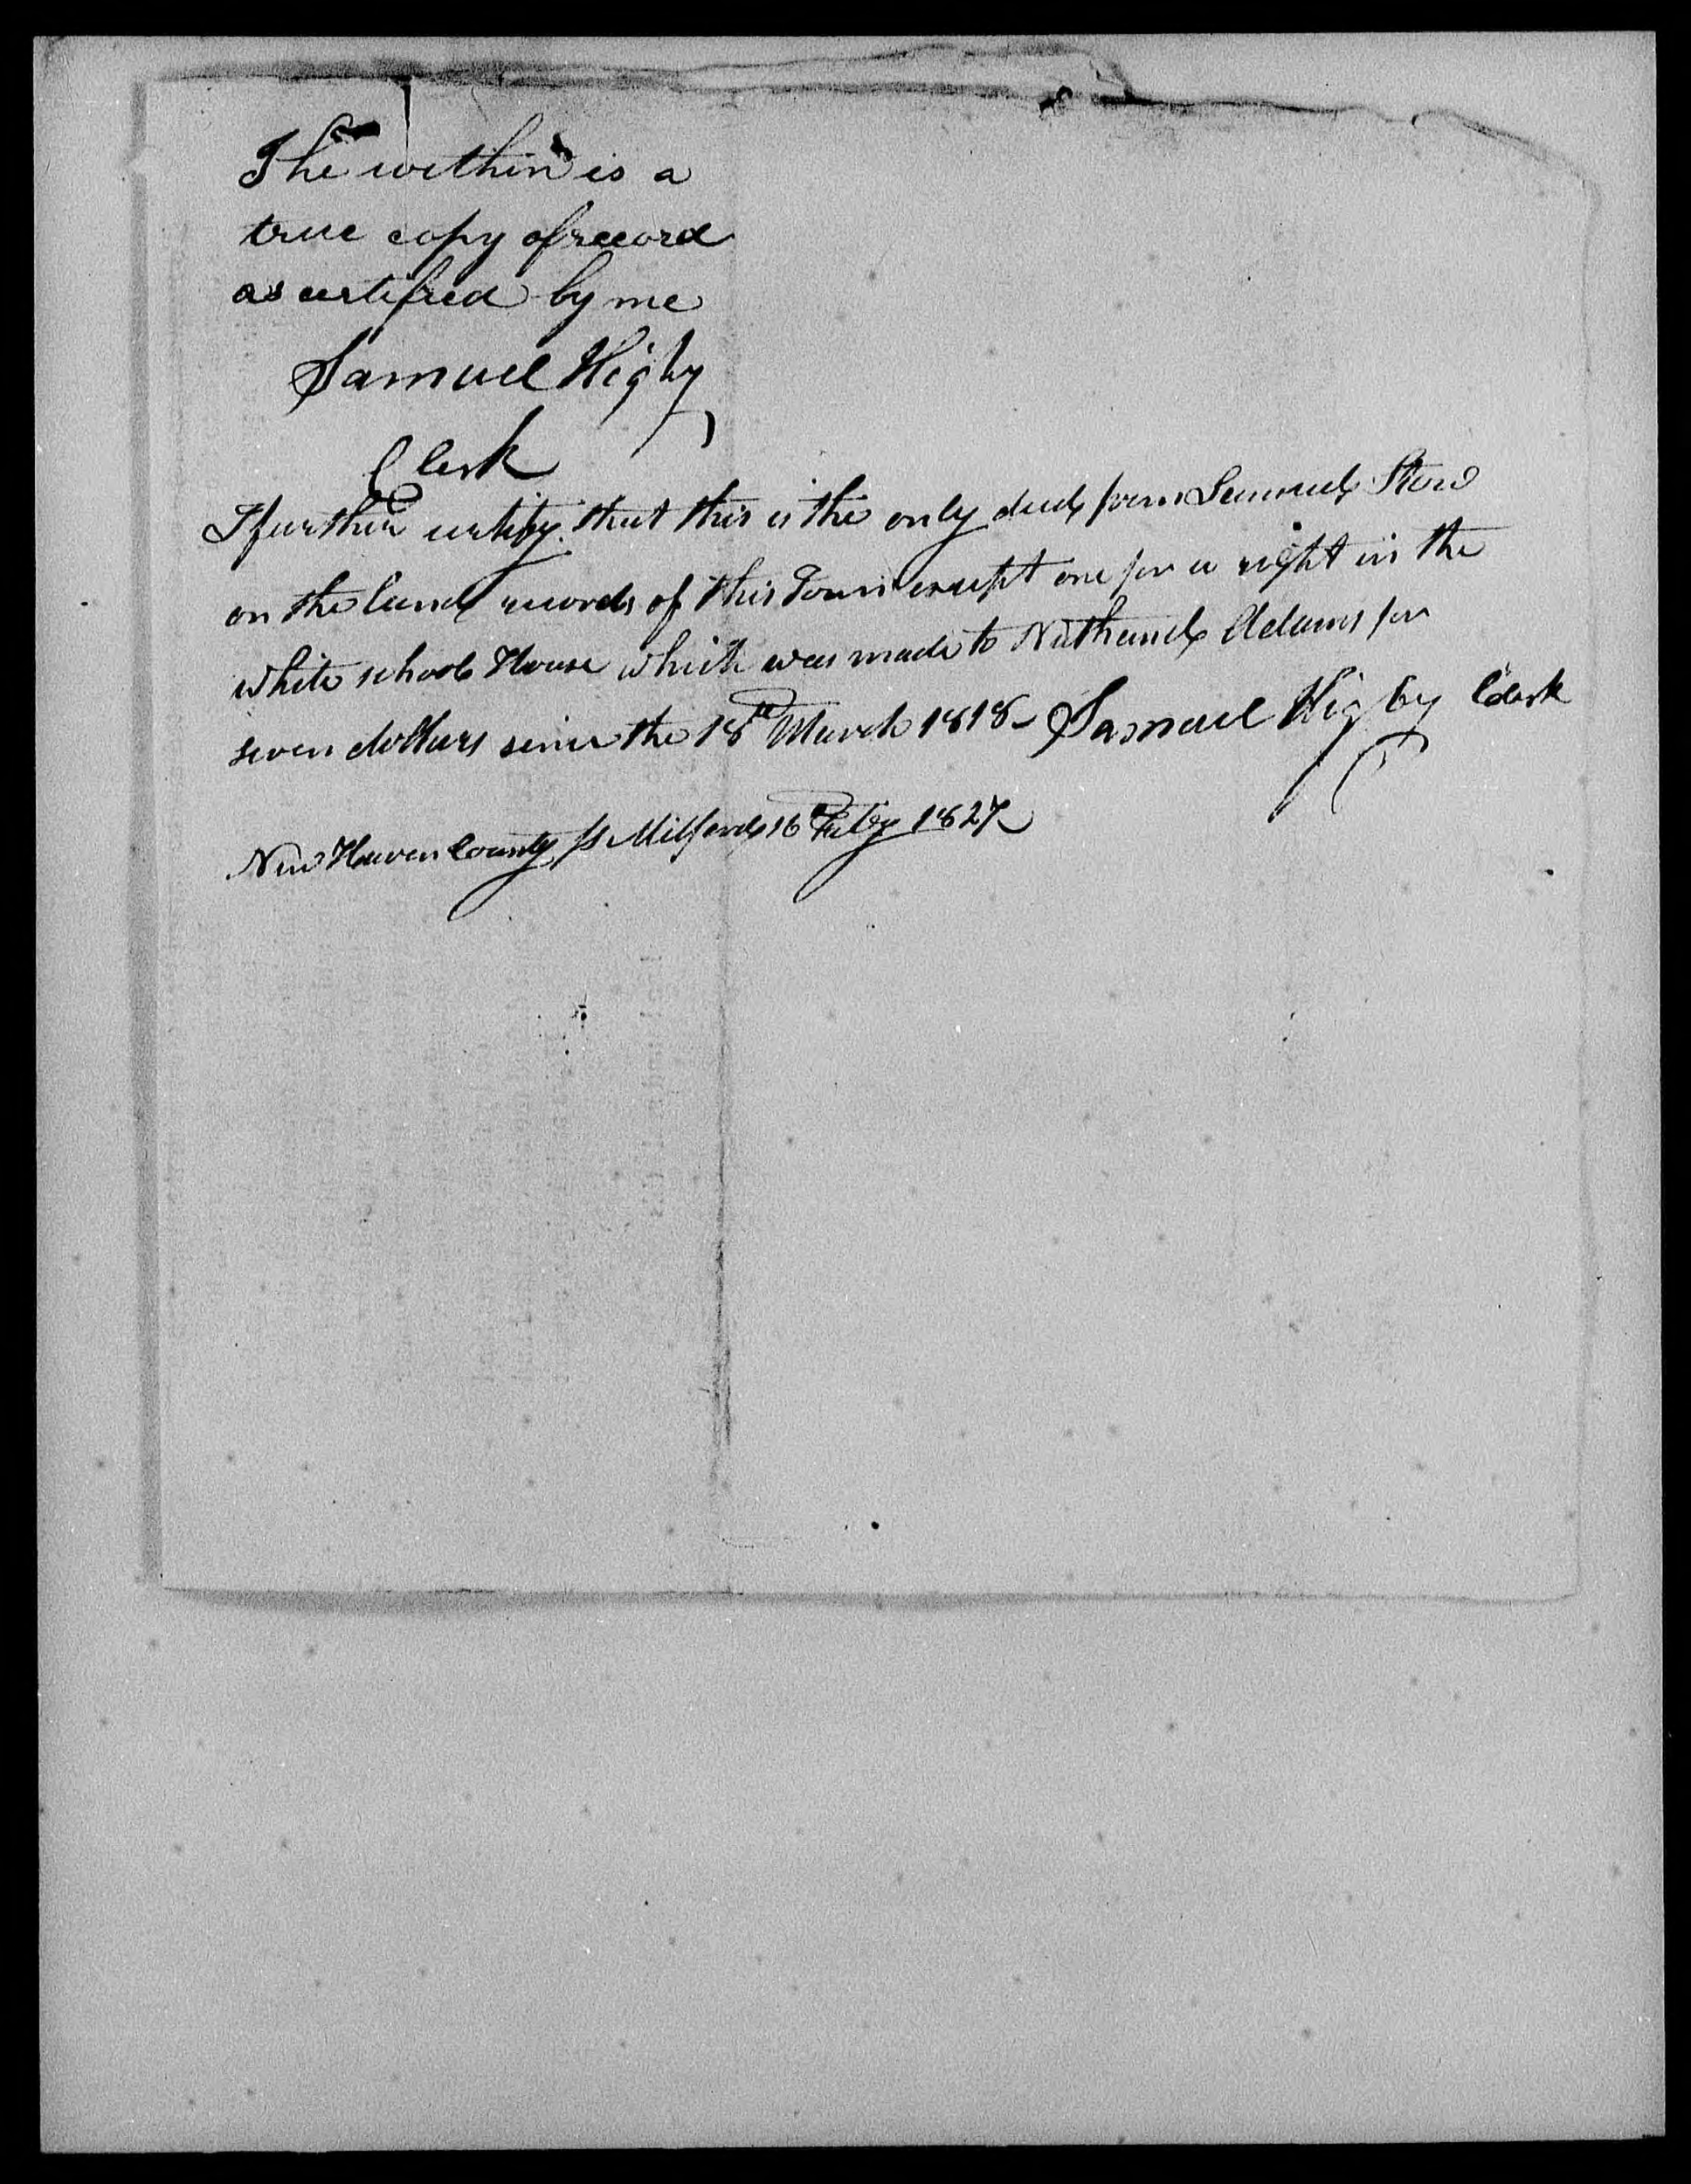The within is a true copy of record
as certified by me
Samuel Higby, Clerk

I further certify that this is the only deed from Samuel Stow on the land records of this Town except one for a right in the White School House which was made to Nathaniel Adams for
seven dollars since the 18th March 1818
Samuel Higby Clerk
New Haven County Milford 16 July 1827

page: 20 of 42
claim: survivor's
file: S. 36,819, for Samuel Stow, Connecticut